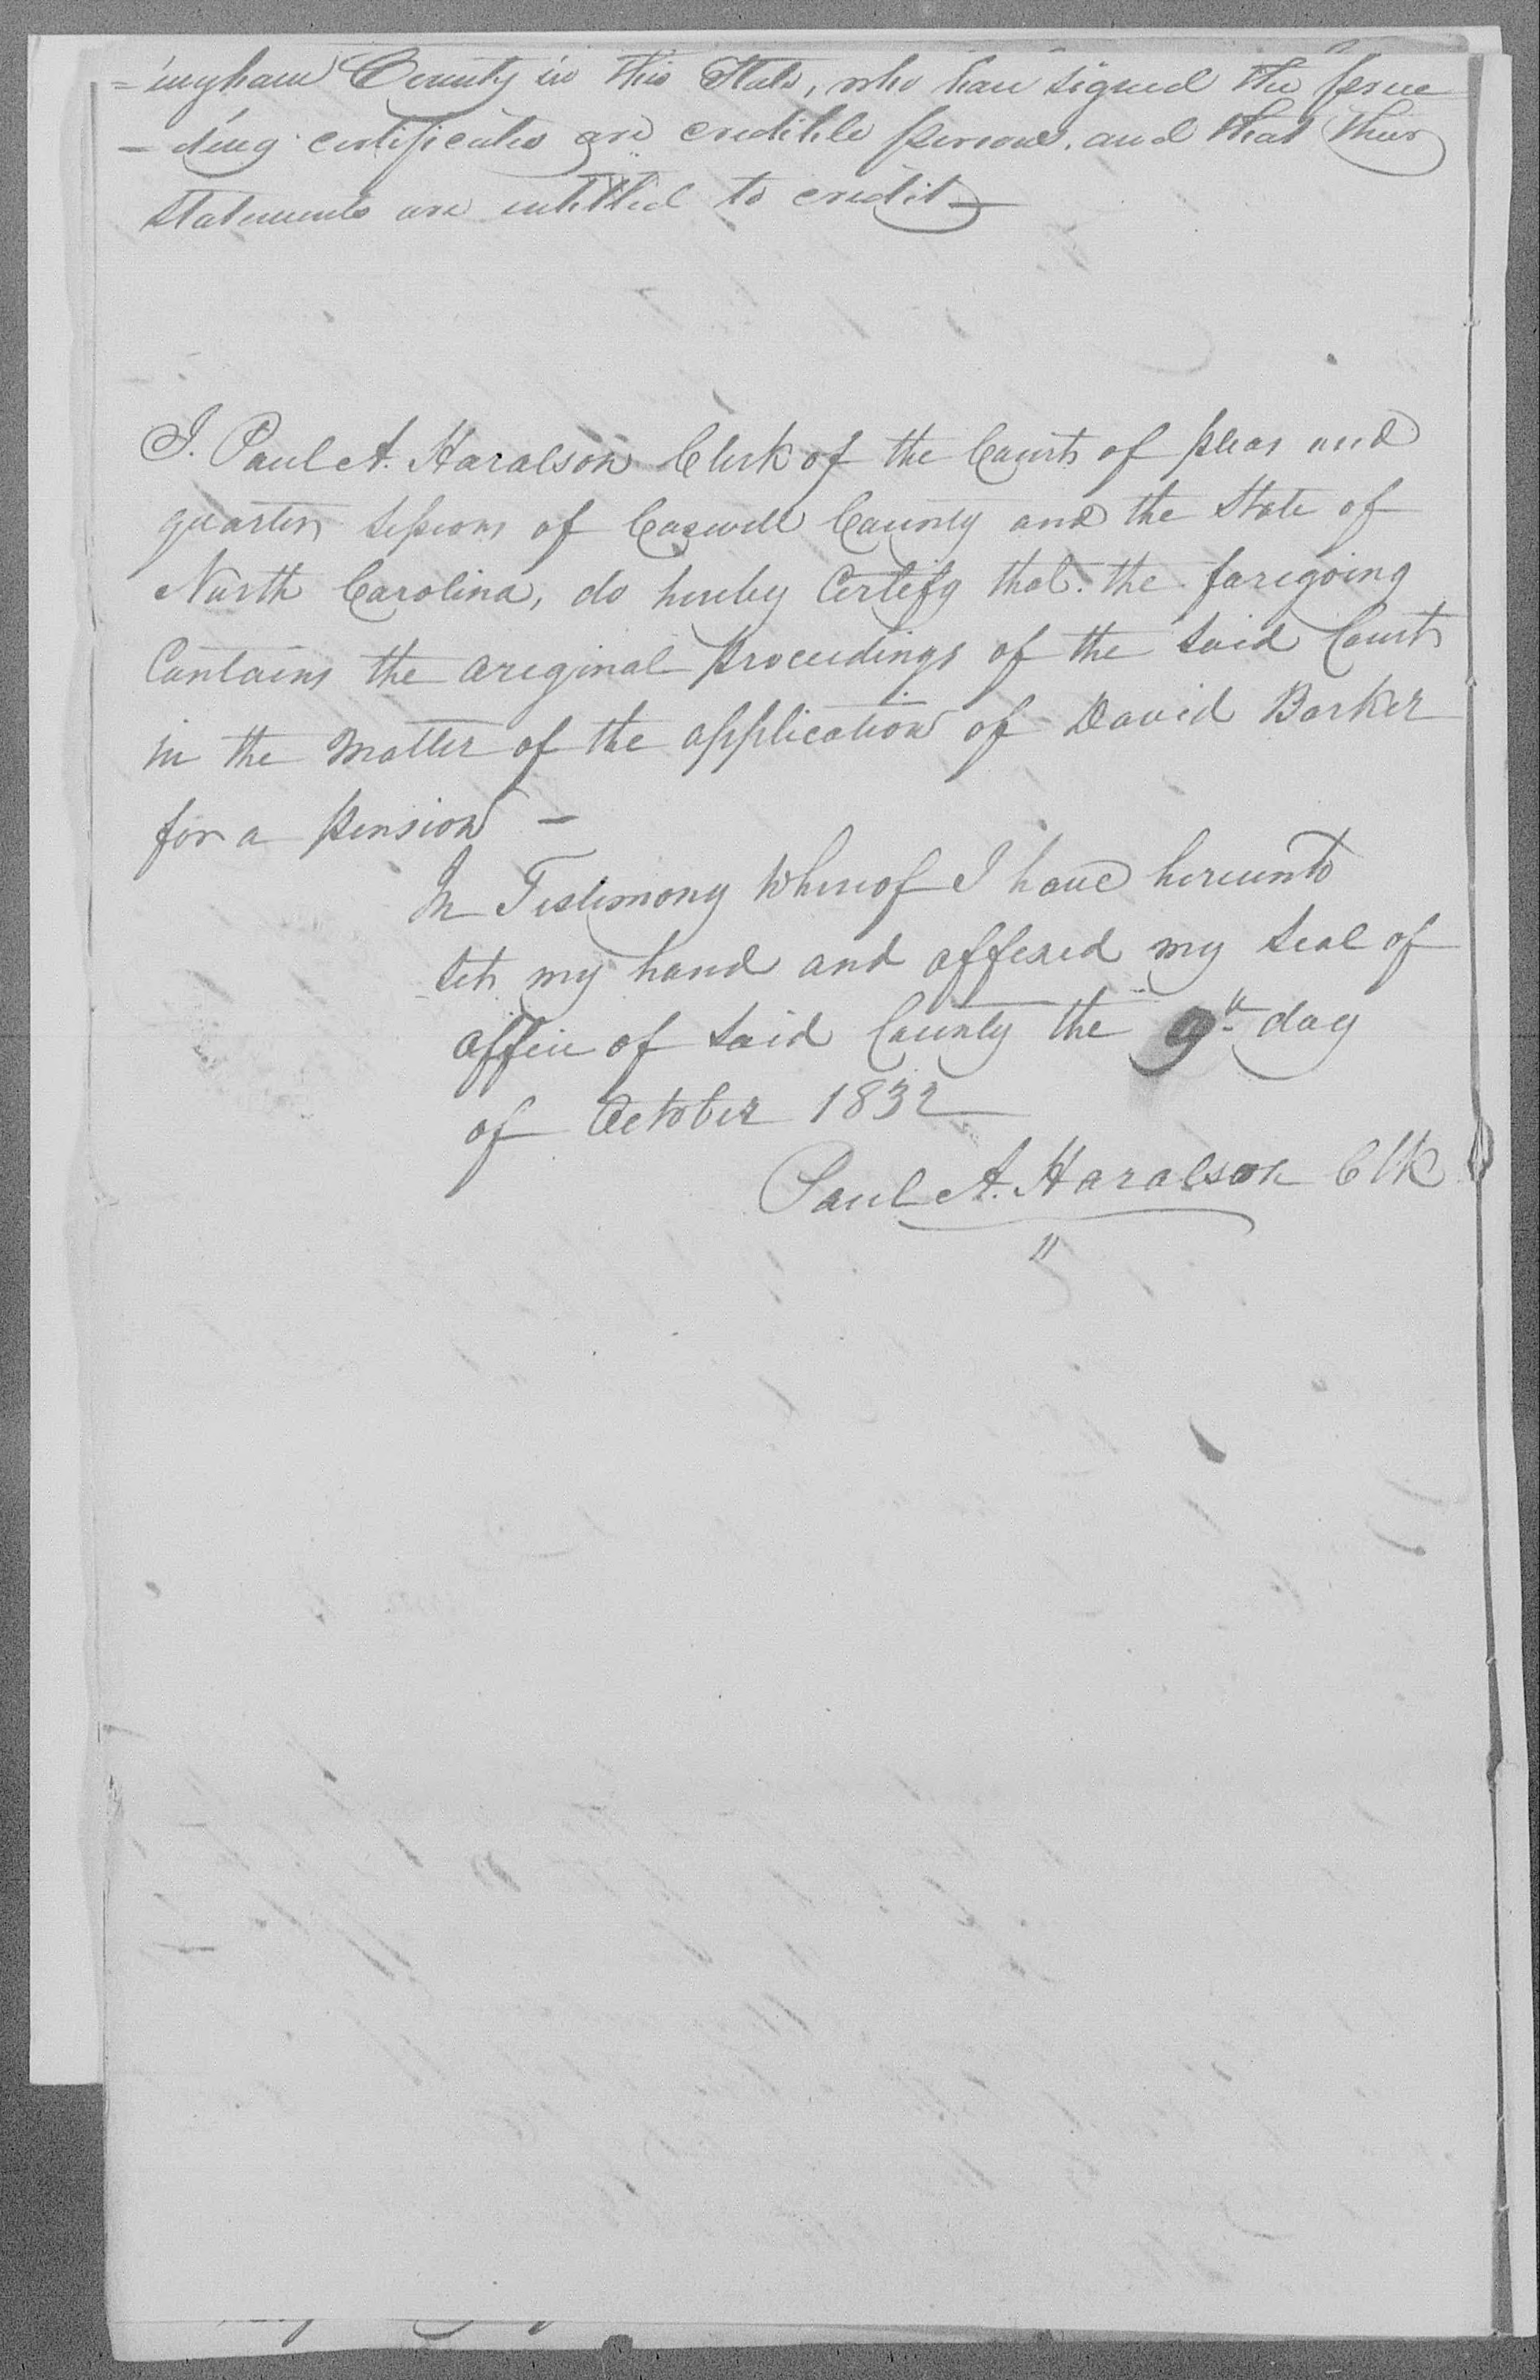-inham County in this State, who have signed the preceding certificates are credible persons, and that their statements are entitled to credit.-

I, Paul A Haralson Clerk of the Court of Pleas & quarter sessions of Caswell County and the State of North Carolina, do hereby certify that the foregoing contains the original proceedings of the Said Court in the matter of the application of David Barker for a pension –
In testimony whereof I have hereunto set my hand and affixed my Seal of Office of Said County the 9th day of October 1832.

Paul A Haralson Clk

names: Paul A Haralson, Paul A Haralson, David Barker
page: 13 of 23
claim: survivor's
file: S. 6560, David Barker, N.C.